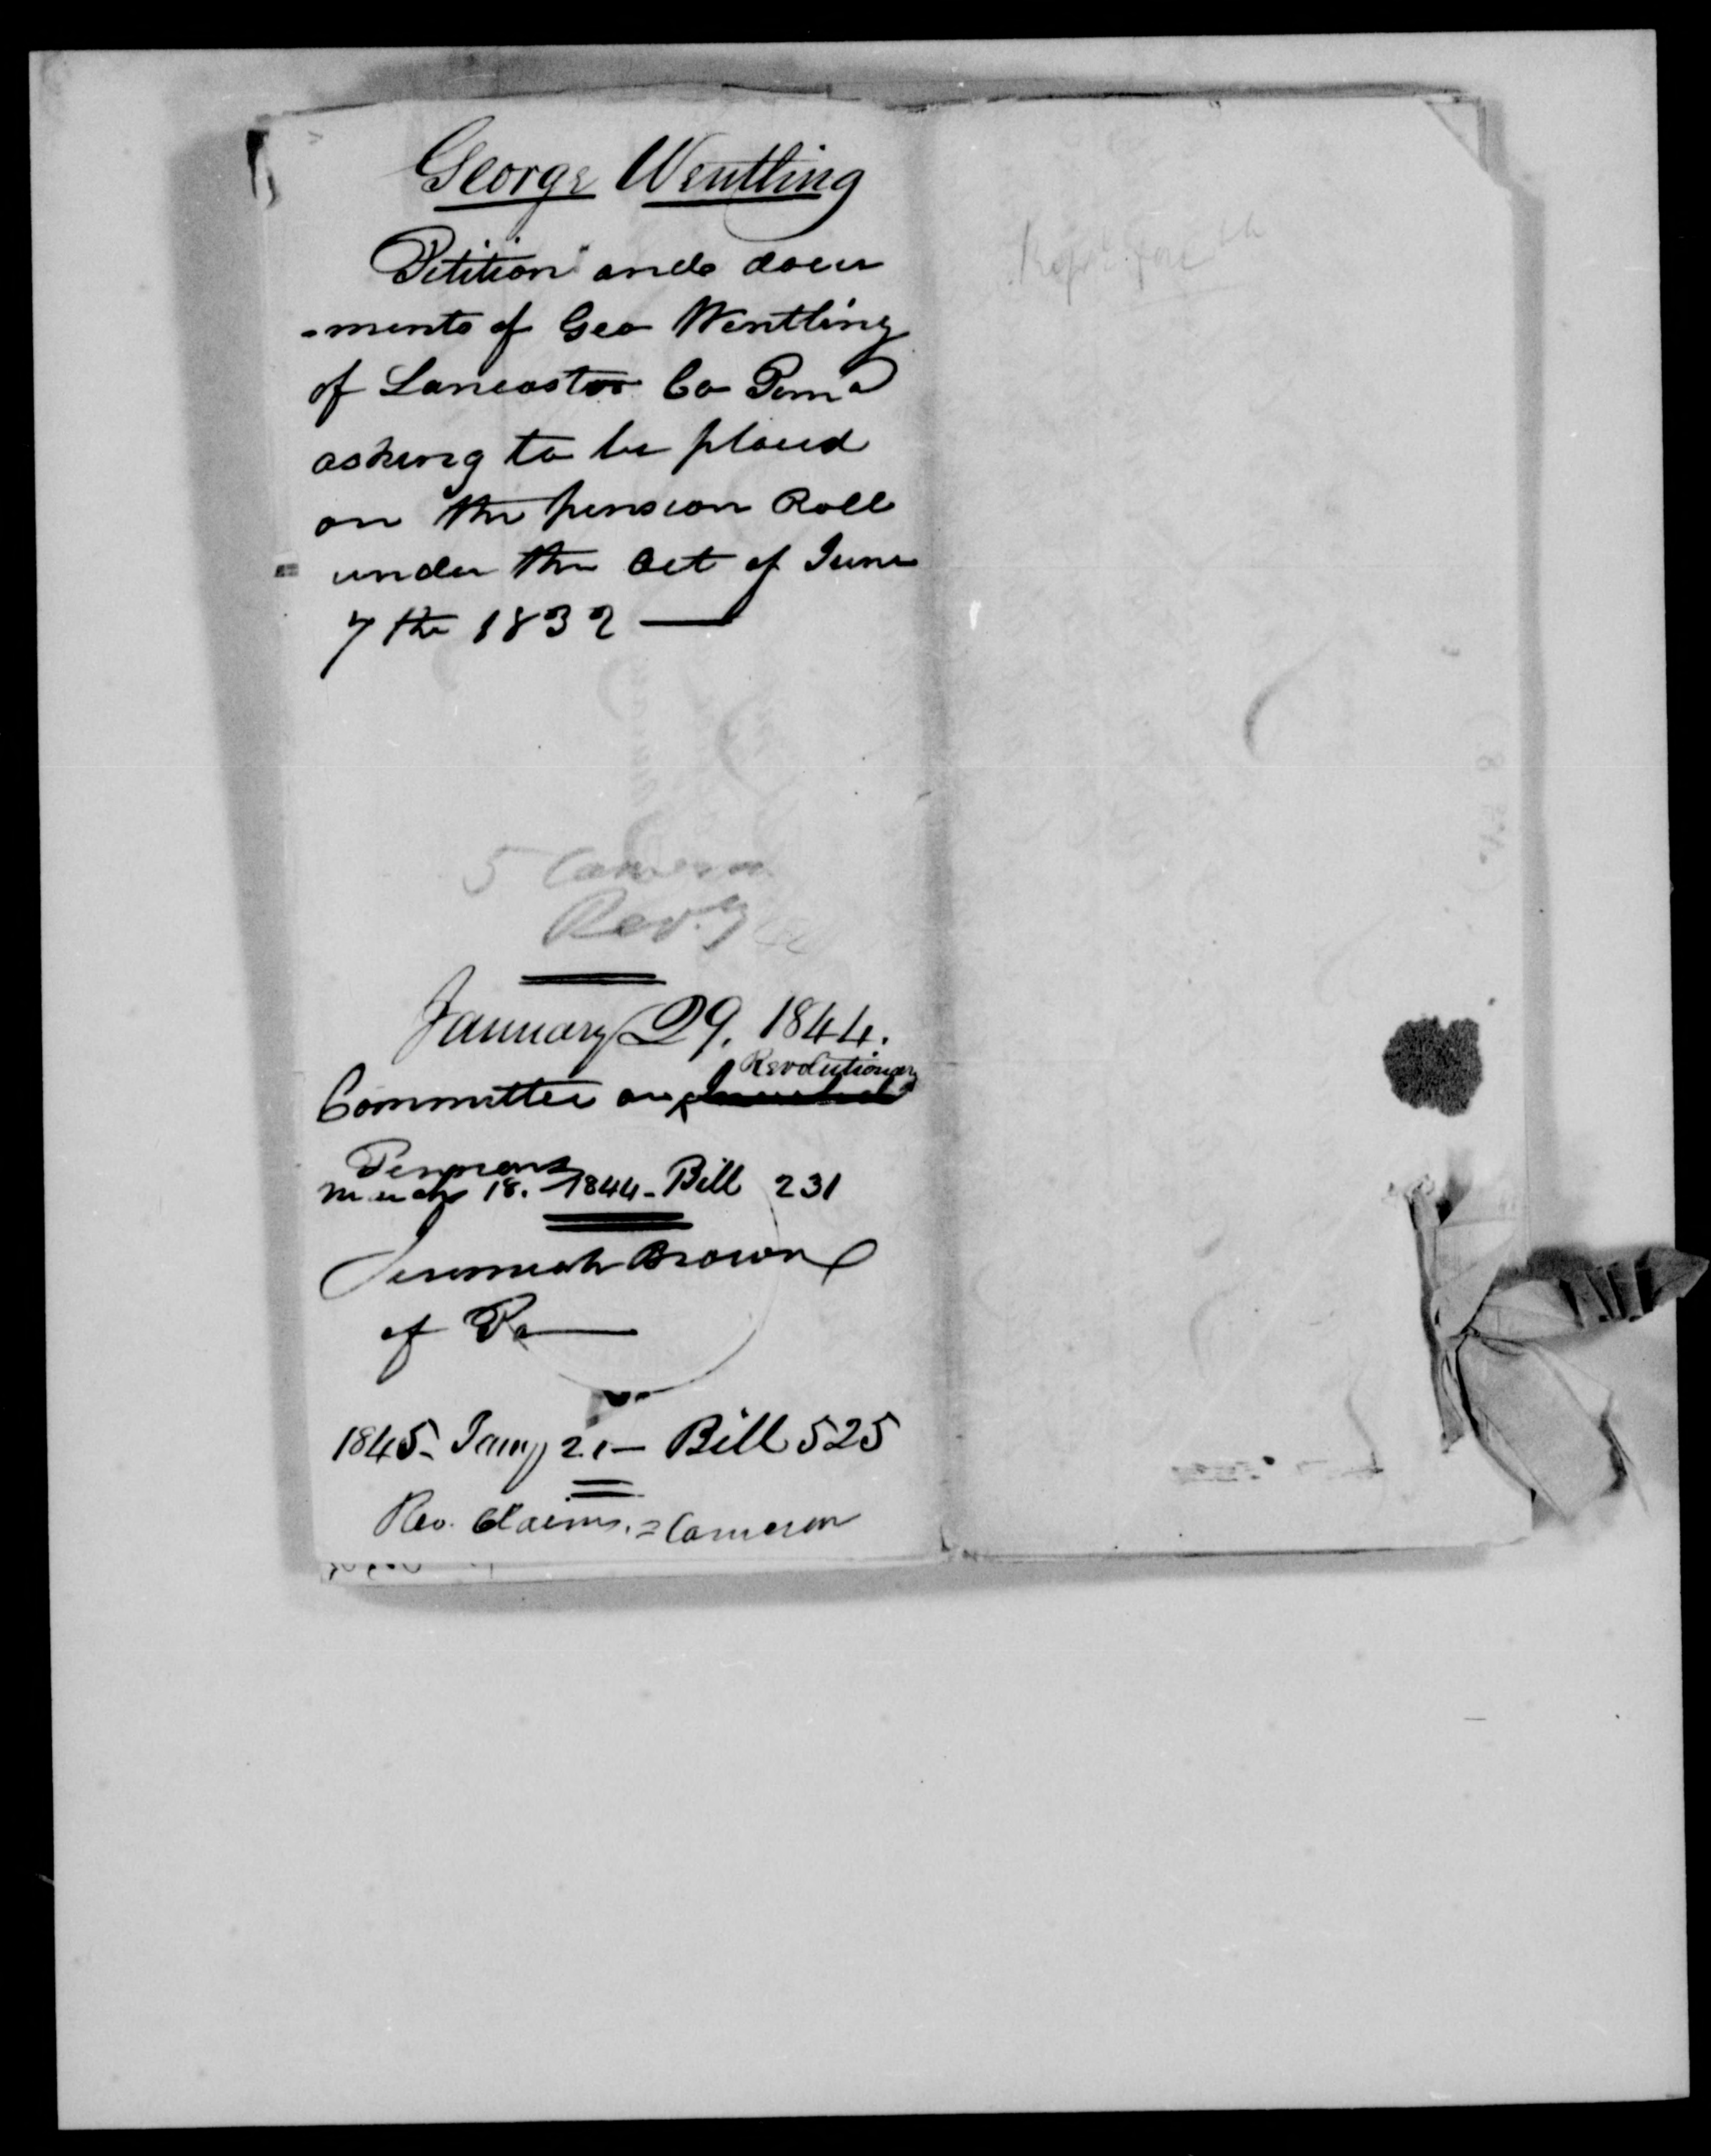George Wentling
Petition and documents
of Geo Wentling
of Lancaster Co Penn
asking to be placed
on the pension Roll
under the act of June
7th 1832 -

5 Cameron
 Revy

January 29, 1844.
Committee on Revolutionary
Pensions
March 18 1846 Bill 231
Jeremiah Browne
of Pa
1845 Jany 21- Bill 525
Rev. claims, Cameron

Reported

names: Jeremiah Brown, George Wentling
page: 49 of 68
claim: survivor's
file: S. 6,358, George Wentling, Penn.